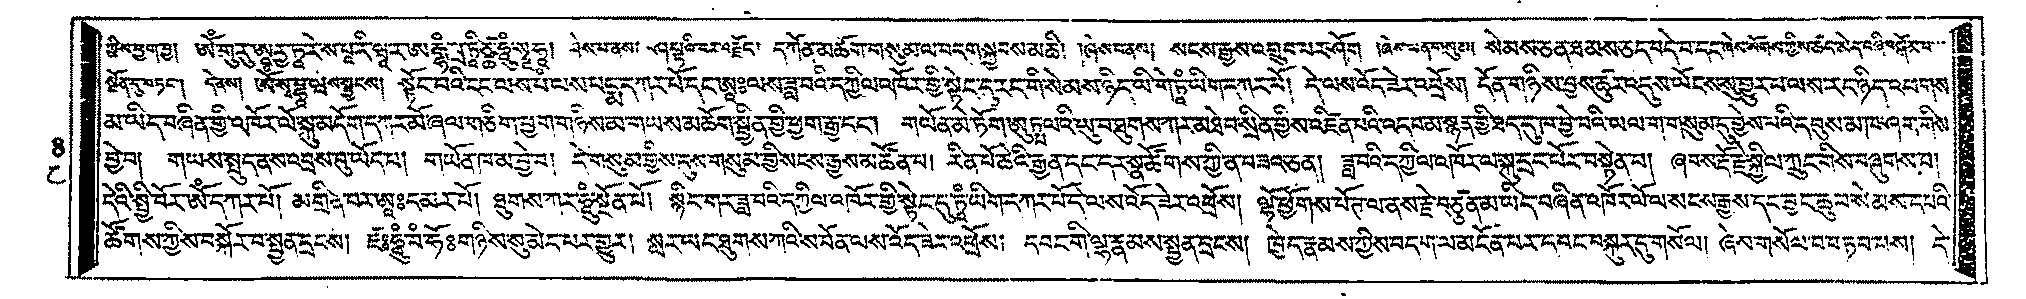ཀྱིས་ཕྱག་བྱ། ཨོཾ་གུ་རུ་ཨཱརྱ་ཏཱ་རེ་ས་པཱ་རི་ཝཱ་ར་ཨརྒྷཾ་པྲ་ཏཱི་ཙྪ་ཧཱུཾ་སྭཱ་ཧཱ། ཞེས་པ་ནས།  ཤཔྟའི་བར་བརྗོད།  དཀོན་མཆོག་གསུམ་ལ་བདག་སྐྱབས་མཆི། ། ཞེས་པ་ནས།  སངས་རྒྱས་འགྲུབ་པར་ཤོག ། ཞེས་ལན་གསུམ།  སེམས་ཅན་ཐམས་ཅད་བདེ་བ་དང་ཞེས་སོགས་ཀྱིས་ཚད་མེད་བཞི་བསྒོམ་པ་་་
སྔོན་དུ་བཏང་། དེ་ནས། ཨོཾ་སྭ་བྷཱ་ཝས་སྦྱངས། སྟོང་པའི་ངང་ལས་པཾ་ལས་པདམ་དཀར་པོ་དང་ཨཱཿ ལས་ཟླ་བའི་དཀྱིལ་འཁོར་གྱི་སྟེང་དུ་རང་གི་སེམས་ཉིད་ཡི་གེ་ཏཱཾ་ཡིག་དཀར་པོ། དེ་ལས་འོད་ཟེར་འཕྲོས། དོན་གཉིས་བྱས་ཚུར་འདུས་ཡོངས་སུ་གྱུར་པ་ལས་རང་ཉིད་འཕགས་
མ་ཡིད་བཞིན་གྱི་འཁོར་ལོ་སྐུ་མདོག་དཀར་མོ་ཞལ་གཅིག་ཕྱག་གཉིས་མ་གཡས་མཆོག་སྦྱིན་གྱི་ཕྱག་རྒྱ་དང་། གཡོན་མེ་ཏོག་ཨུཏྤ་ལའི་ཡུ་བ་ཐུགས་ཀར་མཐེབ་སྲིན་གྱིས་འཛིན་པའི་འདབ་མ་སྙན་གྱི་ཐད་དུ་ཁ་བྱེ་བའི་ཡལ་ག་གསུམ་དུ་གྱེས་པའི་དབུས་མ་ཁ་ཤག་གིས་
བྱེ་བ། གཡས་སྤུད་ནས་འབྲས་བུ་ཡོད་པ། གཡོན་ཁ་མ་བྱེ་བ། དེ་གསུམ་གྱིས་དུས་གསུམ་གྱི་སངས་རྒྱས་མཚོན་པ། རིན་པོ་ཆེའི་རྒྱན་དང་དར་སྣ་ཚོགས་ཀྱི་ན་བཟའ་ཅན། ཟླ་བའི་དཀྱིལ་འཁོར་ལ་སྐུ་དྲང་པོར་བསྟེན་པ། ཞབས་རྡོ་རྗེ་སྐྱིལ་ཀྲུང་གིས་བཞུགས་པ།
དེའི་སྤྱི་བོར་ཨོཾ་དཀར་པོ། མགྲིན་པར་ཨཱཿ དམར་པོ། ཐུགས་ཀར་ཧཱུཾ་སྔོན་པོ། སྙིང་གར་ཟླ་བའི་དཀྱིལ་འཁོར་གྱི་སྟེང་དུ་ཏཱཾ་ཡིག་དཀར་པོ་དེ་ལས་འོད་ཟེར་འཕྲོས། ལྷོ་ཕྱོགས་པོ་ཊ་ལ་ནས་རྗེ་བཙུན་མ་ཡིད་བཞིན་འཁོར་ལོ་ལ་སངས་རྒྱས་དང་བྱང་ཆུབ་སེམས་དཔའི་
ཚོགས་ཀྱིས་བསྐོར་བ་སྤྱན་དྲངས། ཛཿཧཱུཾ་བཾ་ཧོཿ གཉིས་སུ་མེད་པར་གྱུར། སླར་ཡང་ཐུགས་ཀའི་ས་བོན་ལས་འོད་ཟེར་འཕྲོས། དབང་གི་ལྷ་རྣམས་སྤྱན་དྲངས། ཁྱེད་རྣམས་ཀྱིས་བདག་ལ་མངོན་པར་དབང་བསྐུར་དུ་གསོལ། ཞེས་གསོལ་བ་བཏབ་པས། དེ་